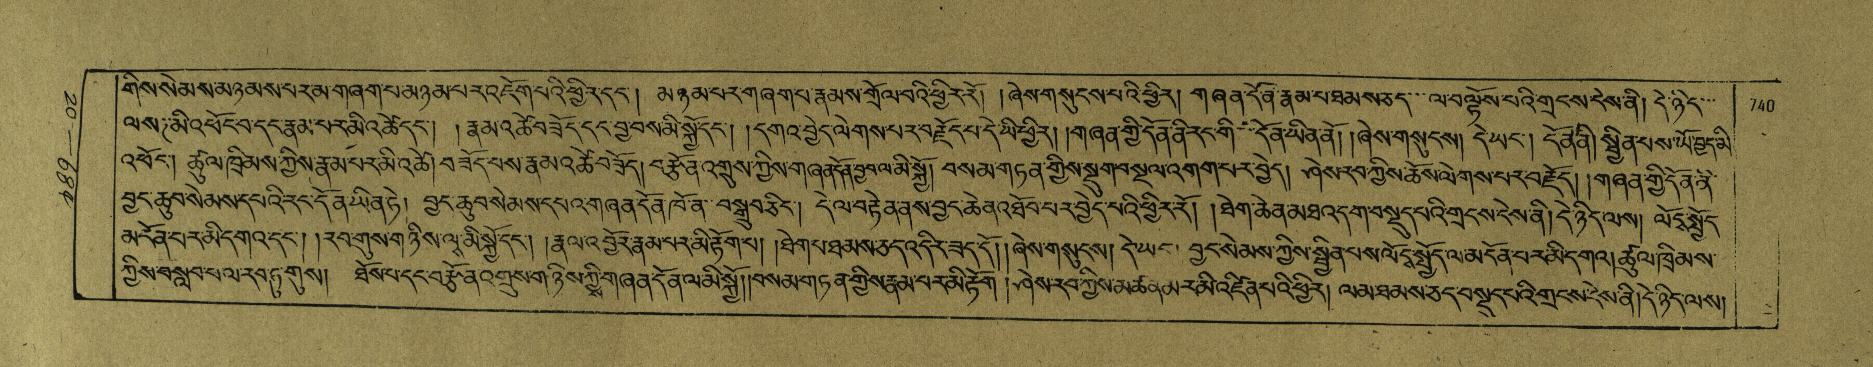གིས་སེམས་མཉམས་པར་མ་གཞག་པ་མཉམ་པར་འཇོག་པའི་ཕྱིར་དང་། མཉམ་པར་གཞག་པ་རྣམས་གྲོལ་བའི་ཕྱིར་རོ། །ཞེས་གསུངས་པའི་ཕྱིར། གཞན་དོན་རྣམ་པ་ཐམས་ཅད་ལ་བལྟོས་པའི་གྲངས་ངེས་ནི། དེ་ཉིད་
ལས༑ མི་འཕོང་བ་དང་རྣམ་པར་མི་འཚེ་དང་། །རྣམ་འཚེ་བཟོད་དང་བྱ་བས་མི་སྐྱོ་དང་། །དགའ་བྱེད་ལེགས་པར་བརྗོད་པ་དེ་ཡི་ཕྱིར། །གཞན་གྱི་དོན་ནི་རང་གི་དོན་ཡིན་ནོ། །ཞེས་གསུངས། དེ་ཡང་། དོན་ནི། སྦྱིན་པས་ཡོ་བྱད་མི་
འཕོང་། ཚུལ་ཁྲིམས་ཀྱིས་རྣམ་པར་མི་འཚེ། བཟོད་པས་རྣམ་འཚེ་བཟོད། བརྩོན་འགྲུས་ཀྱིས་གཞན་དོན་བྱ་བ་ལ་མི་སྐྱོ། བསམ་གཏན་གྱིས་སྡུག་བསྔལ་འགག་པར་བྱེད། ཤེས་རབ་ཀྱིས་ཆོས་ལེགས་པར་བརྗོད། །གཞན་གྱི་དོན་ནི་
བྱང་ཆུབ་སེམས་དཔའི་རང་དོན་ཡིན་ཏེ། བྱང་ཆུབ་སེམས་དཔའ་གཞན་དོན་ཁོ་ན་བསྒྲུབ་ཅིང་། དེ་ལ་བརྟེན་ནས་བྱང་ཆེན་འཐོབ་པར་བྱེད་པའི་ཕྱིར་རོ། །ཐེག་ཆེན་མཐའ་དག་བསྡུད་པའི་གྲངས་ངེས་ནི། དེ་ཉིད་ལས། ལོངས་སྤྱོད་
མངོན་པར་མི་དགའ་དང་། །རབ་གུས་གཉིས་ལས་མི་སྐྱོ་དང་། །རྣལ་འབྱོར་རྣམ་པར་མི་རྟོག་པ། །ཐེག་པ་ཐམས་ཅད་འདིར་ཟད་དོ། །ཞེས་གསུངས། དེ་ཡང་། བྱང་སེམས་ཀྱིས་སྦྱིན་པས་ལོངས་སྤྱོད་ལ་མངོན་པར་མི་དགའ། ཚུལ་ཁྲིམས་
ཀྱིས་བསླབ་པ་ལ་རབ་ཏུ་གུས། ཐོས་པ་དང་བརྩོན་འགྲུས་གཉིས་ཀྱིས་གཞན་དོན་ལ་མི་སྐྱོ། །བསམ་གཏན་གྱིས་རྣམ་པར་མི་རྟོག །ཤེས་རབ་ཀྱིས་མཚན་མར་མི་འཛིན་པའི་ཕྱིར། ལམ་ཐམས་ཅད་བསྡུད་པའི་གྲངས་ངེས་ནི། དེ་ཉིད་ལས།